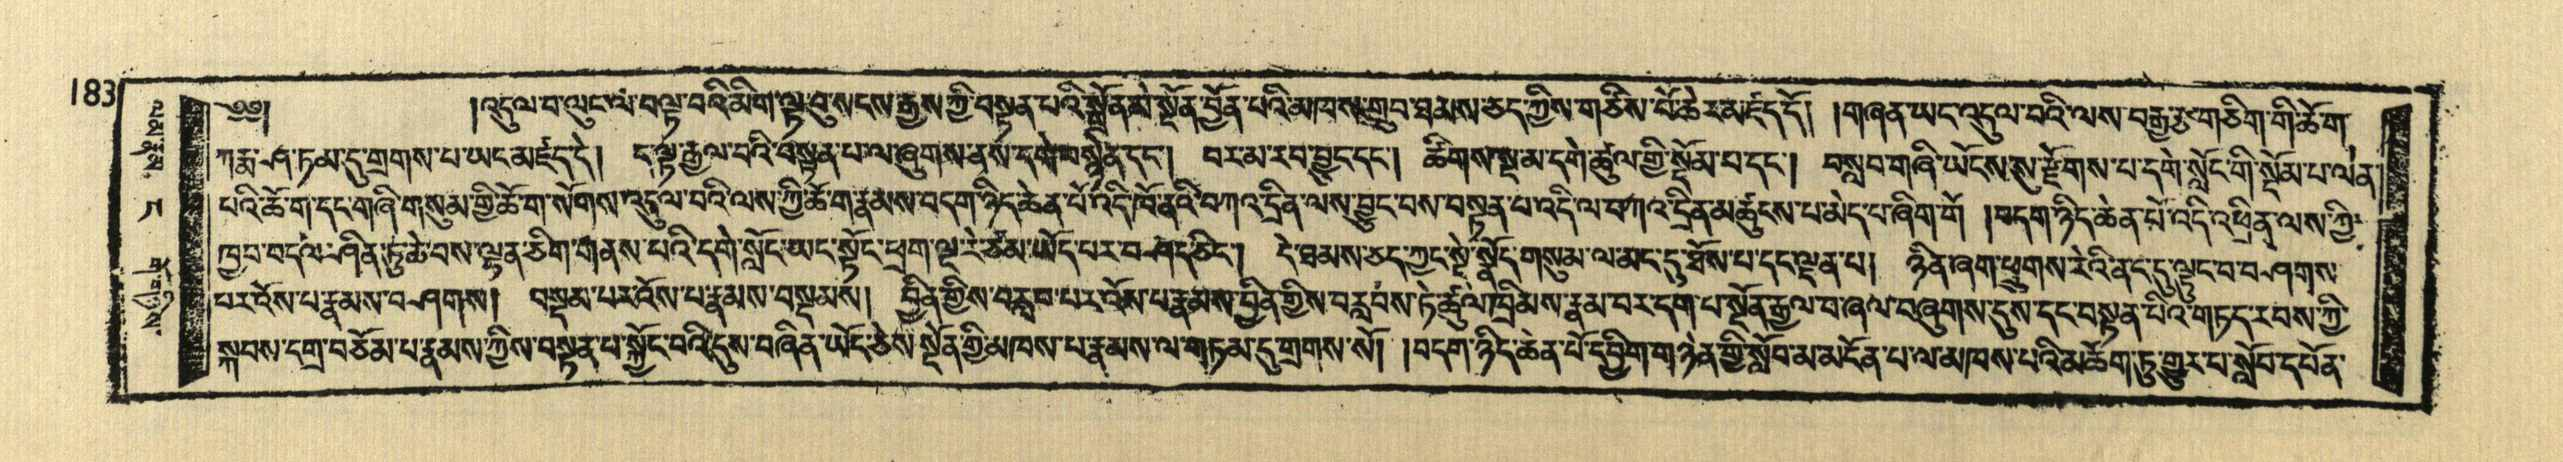༄༅། །འདུལ་བ་ལུང་ལ་བལྟ་བའི་མིག་ལྟ་བུ་སངས་རྒྱས་ཀྱི་བསྟན་པའི་སྒྲོན་མེ་སྔོན་བྱོན་པའི་མཁས་གྲུབ་ཐམས་ཅད་ཀྱིས་གཙིས་བོ་ཆེར་མཛད་དོ། །གཞན་ཡང་འདུལ་བའི་ལས་བརྒྱ་རྩ་གཅིག་གི་ཆོ་ག་
ཀརྨ་ཤ་ཏམ་དུ་གྲགས་པ་ཡང་མཛད་དེ། ད་ལྟ་རྒྱལ་བའི་བསྟན་པ་ལ་ཞུགས་ནས་དགེ་བསྙེན་དང་། བར་མ་རབ་བྱུང་དང་། ཚིགས་སྔ་མ་དགེ་ཚུལ་གྱི་སྡོམ་པ་དང་། བསླབ་གཞི་ཡོངས་སུ་རྫོགས་པ་དགེ་སློང་གི་སྡོམ་པ་ལེན་
པའི་ཆོ་ག་དང་གཞི་གསུམ་གྱི་ཆོ་ག་སོགས་འདུལ་བའི་ལས་ཀྱི་ཆོ་ག་རྣམས་བདག་ཉིད་ཆེན་པོ་འདི་ཁོ་ནའི་བཀའ་དྲིན་ལས་བྱུང་བས་བསྟན་པ་འདི་ལ་བཀའ་དྲིན་མཚུངས་པ་མེད་པ་ཞིག་གོ །བདག་ཉིད་ཆེན་པོ་འདི་འཕྲིན་ལས་ཀྱི་
ཁྱབ་བདལ་ཤིན་ཏུ་ཆེ་བས་ལྷན་ཅིག་གནས་པའི་དགེ་སློང་ཡང་སྟོང་ཕྲག་ལྔ་རེ་ཙམ་ཡོད་པར་བཤད་ཅིང་། དེ་ཐམས་ཅད་ཀྱང་སྡེ་སྣོད་གསུམ་ལ་མང་དུ་ཐོས་པ་དང་ལྡན་པ། ཉིན་ཞག་ཕྲུགས་རེའི་ནང་དུ་ལྟུང་བ་བཤགས་
པར་འོས་པ་རྣམས་བཤགས། བསྡམ་པར་འོས་པ་རྣམས་བསྡམས། བྱིན་གྱིས་བརླབ་པར་འོས་པ་རྣམས་བྱིན་གྱིས་བརླབས་ཏེ་ཚུལ་ཁྲིམས་རྣམ་བར་དག་པ་སྔོན་རྒྱལ་བ་ཞལ་བཞུགས་དུས་དང་བསྟན་པའི་གཏང་རབས་ཀྱི་
སྐབས་དགྲ་བཅོམ་པ་རྣམས་ཀྱིས་བསྟན་པ་སྐྱོང་བའི་དུས་བཞིན་ཡོད་ཅེས་སྔོན་གྱི་མཁས་པ་རྣམས་ལ་གཏམ་དུ་གྲགས་སོ། །བདག་ཉིད་ཆེན་པོ་དབྱིག་གཉེན་གྱི་སློབ་མ་མངོན་པ་ལ་མཁས་པའི་མཆོག་ཏུ་གྱུར་པ་སློབ་དཔོན་